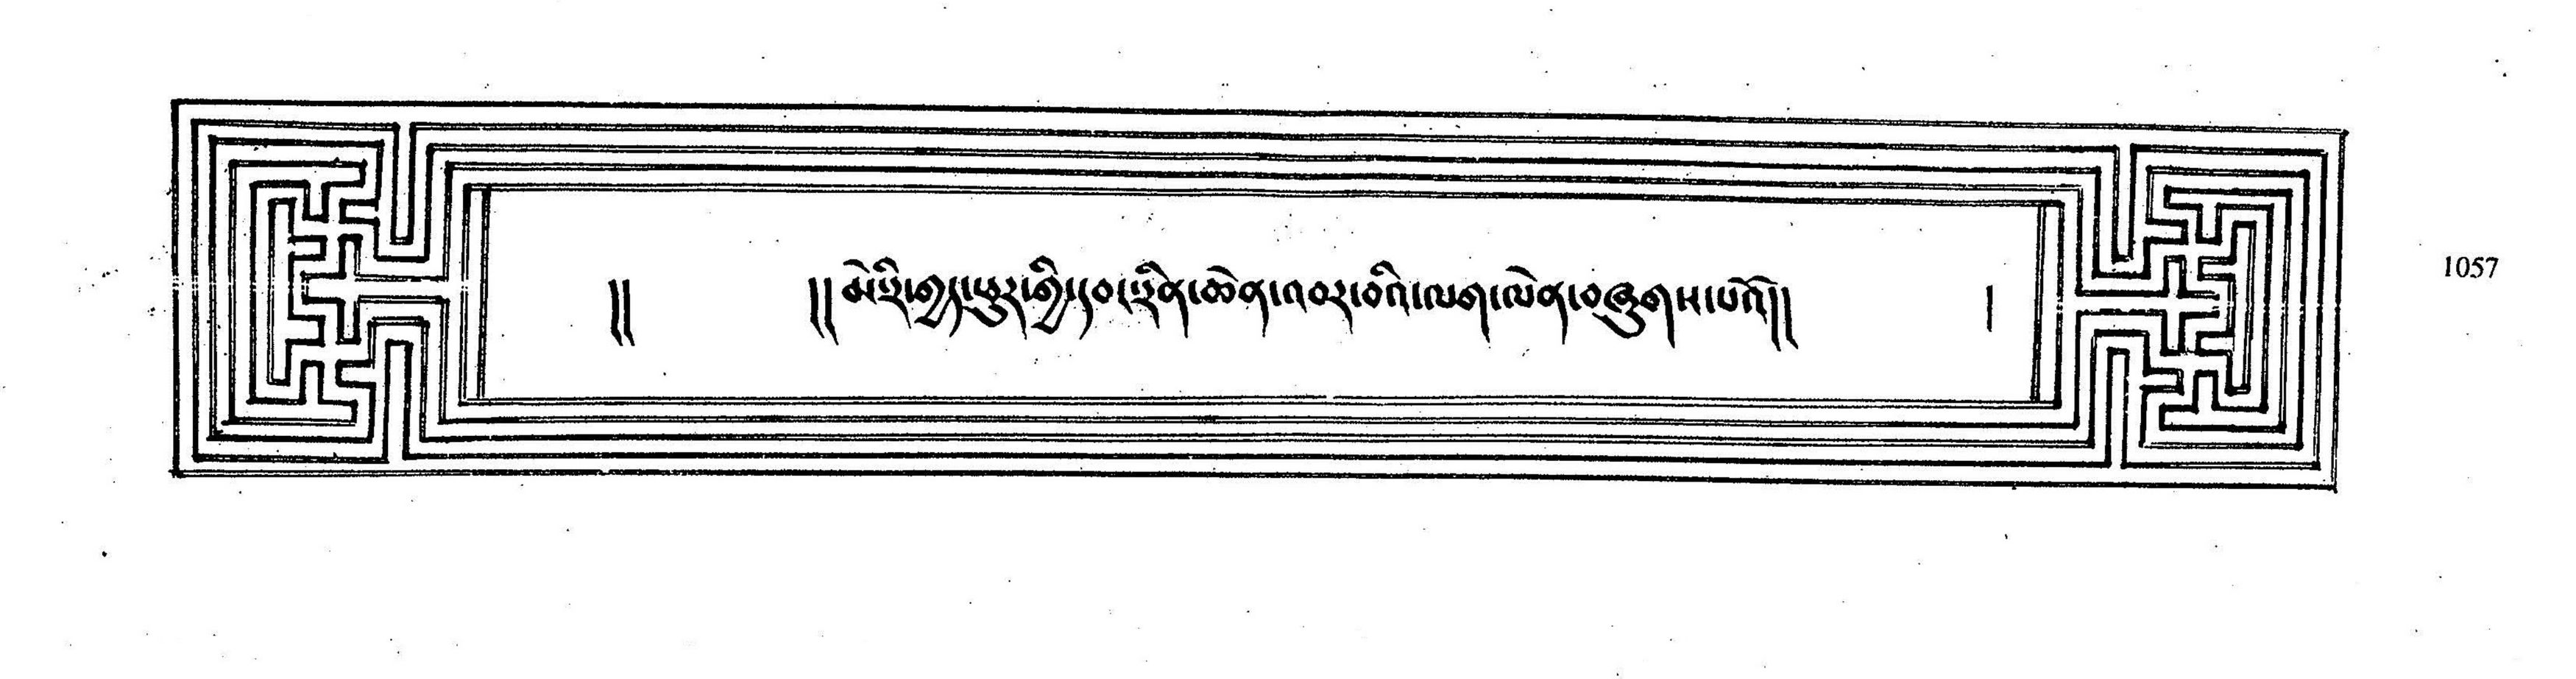།། །།མེ་རི་གྱད་ཕུར་གྱི་དབང་རིན་ཆེན་འབར་བའི་ལག་ལེན་བཞུགས་པའོ།། །།